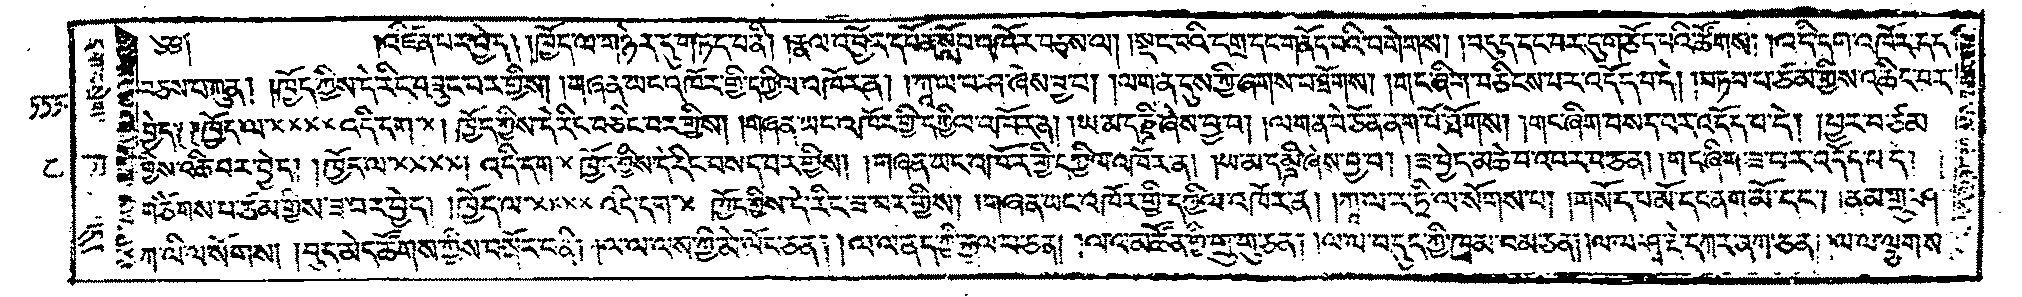༄༅། །འཛིན་པར་བྱེད། །ཁྱོད་ལ་གཉེར་དུ་གཏད་པ་ནི། །རྣལ་འབྱོར་དཔོན་སློབ་འཁོར་བཅས་ལ། །སྡང་བའི་དགྲ་དང་གནོད་པའི་བགེགས། །བདུད་དང་བར་དུ་གཅོད་པའི་ཚོགས། །འདི་དག་འཁོར་དང་
བཅས་བ་ཀུན། །ཁྱོད་ཀྱིས་དེ་རིང་བཟུང་བར་གྱིས། །གཞན་ཡང་འཁོར་གྱི་དཀྱིལ་འཁོར་ན། །ཀཱ་ལ་པ་ཤ་ཞེས་བྱ་བ། །ལག་ན་དུས་ཀྱི་ཞགས་པ་ཐོགས། །གང་ཞིག་བཅིངས་པར་འདོད་པ་དེ། །བཏབ་པ་ཙམ་གྱིས་འཆིང་བར་
བྱེད༑ ༑ཁྱོད་ལ་྾྾྾་འདི་དག་྾། ཁྱོད་ཀྱིས་དེ་རིང་བཅིང་བར་གྱིས། །གཞན་ཡང་འཁོར་གྱི་དཀྱིལ་འཁོར་ན། །ཡ་མ་དཎྜི་ཞེས་བྱ་བ། །ལག་ན་བེ་ཅོན་ནག་པོ་ཐོགས། །གང་ཞིག་བསད་པར་འདོད་པ་དེ། །ཕྱར་བ་ཙམ་
གྱིས་འཆི་བར་བྱེད། །ཁྱོད་ལ་྾྾྾། འདི་དག་྾་ཁྱོད་ཀྱིས་དེ་རིང་བསད་བར་གྱིས། །གཞན་ཡང་འཁོར་གྱི་དཀྱིལ་འཁོར་ན། །ཡ་མ་དམྜི་ཞེས་བྱ་བ། །ཟ་བྱེད་མཆེ་བ་འབར་བ་ཅན། །གང་ཞིག་ཟ་བར་འདོད་པ་དེ།།
གཙིགས་པ་ཙམ་གྱིས་ཟ་བར་བྱེད། །ཁྱོད་ལ་྾྾྾་འདི་དག་྾་ཁྱོད་ཀྱིས་དེ་རིང་ཟ་བར་གྱིས། །གཞན་ཡང་འཁོར་གྱི་དཀྱིལ་འཁོར་ན། །ཀཱ་ལ་ར་ཏྲི་ལ་སོགས་པ། །གསོད་པ་མོ་དང་ནག་མོ་དང་། །ནམ་གྲུ་ཤ་
ཀ་ལི་ལ་སོགས། །བུད་མེད་ཚོགས་ཀྱིས་བསྐོར་བ་ནི། །ལ་ལ་ལས་ཀྱི་མེ་ལོང་ཅན། །ལ་ལ་ནད་ཀྱི་རྐྱལ་པ་ཅན། །ལ་ལ་མཚོན་གྱི་གྲུ་གུ་ཅན། །ལ་ལ་བདུད་ཀྱི་ཁྲམ་བམ་ཅན། །ལ་ལ་ཤྭ་རྡེ་དཀར་ནག་ཅན། །ལ་ལ་ལྕགས་